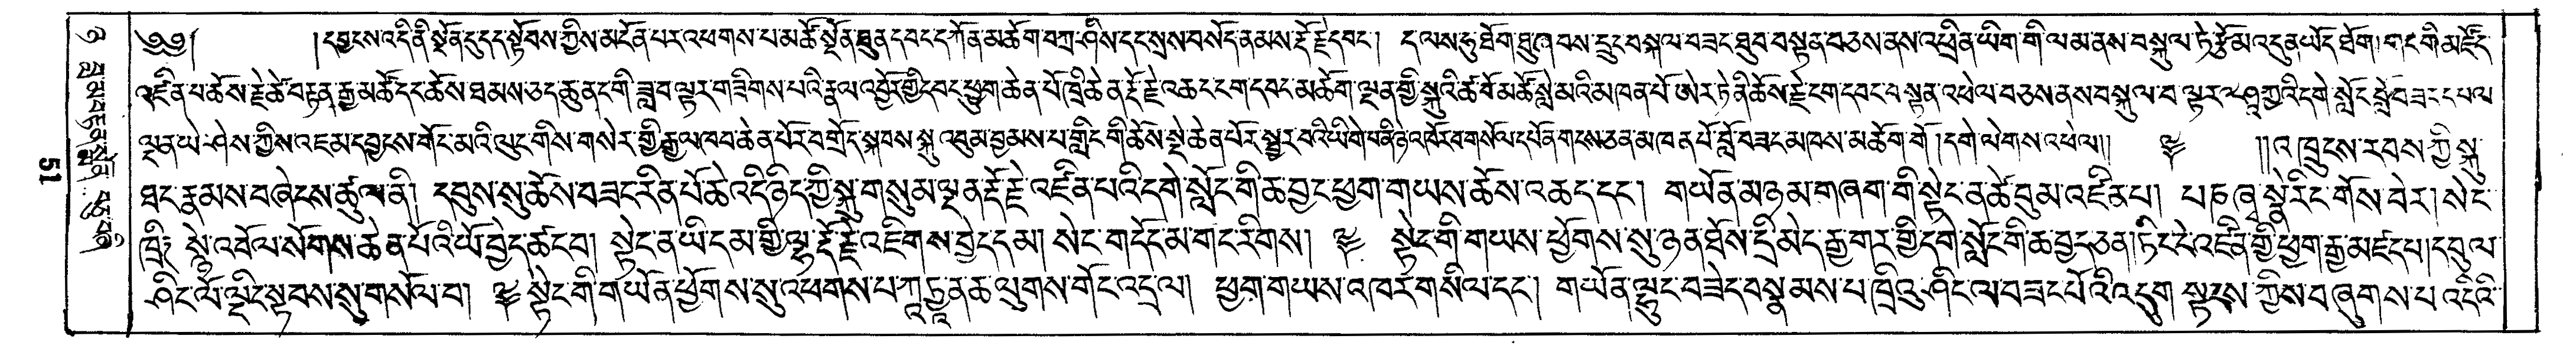༄༅། །དབྱོངས་འདི་ནི་སྔོན་དུ་དད་སྟོབས་ཀྱིས་མངོན་པར་འཕགས་པ་མཚོ་སྔོན་ཇུན་དབང་དཀོན་མཆོག་བཀྲ་ཤིས་དང་སྲས་བསོད་ནམས་རྡོ་རྗེ་དབང་། ད་ལས་ཧུ་ཐོག་ཐུ་ཞབས་དྲུང་བསྐལ་བཟང་ཐུབ་བསྟན་བཅས་ནས་འཕྲིན་ཡིག་གི་ལམ་ནས་བསྐུལ་ཏེ་རྩོམ་བདུན་ཡོད་ཐོག། །གང་གི་མཛོད་
འཛིན་པ་ཆོས་རྗེ་ཚེ་བརྟན་རྒྱ་མཚོ་དང་ཆོས་ཐམས་ཅད་ཆུ་ནང་གི་ཟླ་བ་ལྟར་གཟིགས་པའི་རྣལ་འབྱོར་གྱི་དབང་ཕྱུག་ཆེན་པོ་ཁྲི་ཆེན་རྡོ་རྗེ་འཆང་ངག་དབང་མཆོག་ལྡན་གྱི་སྐུའི་ཚ་བོ་མཚོ་སླེ་མའི་མཁན་པོ་ཨེར་ཏེ་ནི་ཆོས་རྗེ་ངག་དབང་བསྟན་འཕེལ་བཅས་ནས་བསྐུལ་བ་ལྟར ༧ཤཱཀྱའི་དགེ་སློང་བློ་བཟང་དཔལ་
ལྡན་ཡེ་ཤེས་ཀྱིས་འཇམ་དབྱངས་གོང་མའི་ལུང་གིས་གསེར་གྱི་རྒྱལ་ཁབ་ཆེན་པོར་བགྲོད་སྐབས་སྐུ་འབུམ་བྱམས་པ་གླིང་གི་ཆོས་སྡེ་ཆེན་པོར་སྦྱར་བའི་ཡི་གེ་བ་ནི་ཉེ་འཁོར་བ་གསོལ་དབོན་གངས་ཅན་མཁན་པོ་བློ་བཟང་མཁས་མཆོག་གོ། དགེ་ལེགས་འཕེལ།། ༈ །།འཁྲུངས་རབས་ཀྱི་སྐུ་
ཐང་རྣམས་བཞེངས་ཚུལ་ནི། དབུས་སུ་ཆོས་བཟང་རིན་པོ་ཆེ་འདི་ཉིད་ཀྱི་སྐུ་གསུམ་ལྡན་རྡོ་རྗེ་འཛིན་པའི་དགེ་སློང་གི་ཆ་བྱད་ཕྱག་གཡས་ཆོས་འཆད་དང་། གཡོན་མཉམ་གཞག་གི་སྟེང་ན་ཚེ་བུམ་འཛིན་པ། པཎ་ཞྭ་སྣེ་རིང་གོས་བེར། སེང་
ཁྲི༑ སྙེ་འབོལ་སོགས་ཆེན་པོའི་ཡོ་བྱད་ཚང་བ། སྟེང་ན་ཡི་དམ་གྱི་ལྷ་རྡོ་རྗེ་འཇིགས་བྱེད་དམ། སེང་གདོང་མ་གང་རིགས། ༈ སྟེང་གི་གཡས་ཕྱོགས་སུ་ཉན་ཐོས་དྲི་མེད་རྒྱ་གར་གྱི་དགེ་སློང་གི་ཆ་བྱད་ཅན། ཏིང་ངེ་འཛིན་གྱི་ཕྱག་རྒྱ་མཛད་པ། དབུ་ལ་
ཤིང་ལོ་ལྡིང་སྟབས་སུ་གསོལ་བ། ༈སྟེང་གི་གཡོན་ཕྱོགས་སུ་འཕགས་པ་ཀཱ་ཏྱཱ་ན་ཆ་ལུགས་གོང་འདྲ་ལ། ཕྱག་གཡས་འཁར་གསིལ་དང་། གཡོན་ལྷུང་བཟེད་བསྣམས་པ་ཁྲིའུ་ཤིང་ལ་བཟང་པོའི་འདུག་སྟངས་ཀྱིས་བཞུགས་པ་འདིའི་